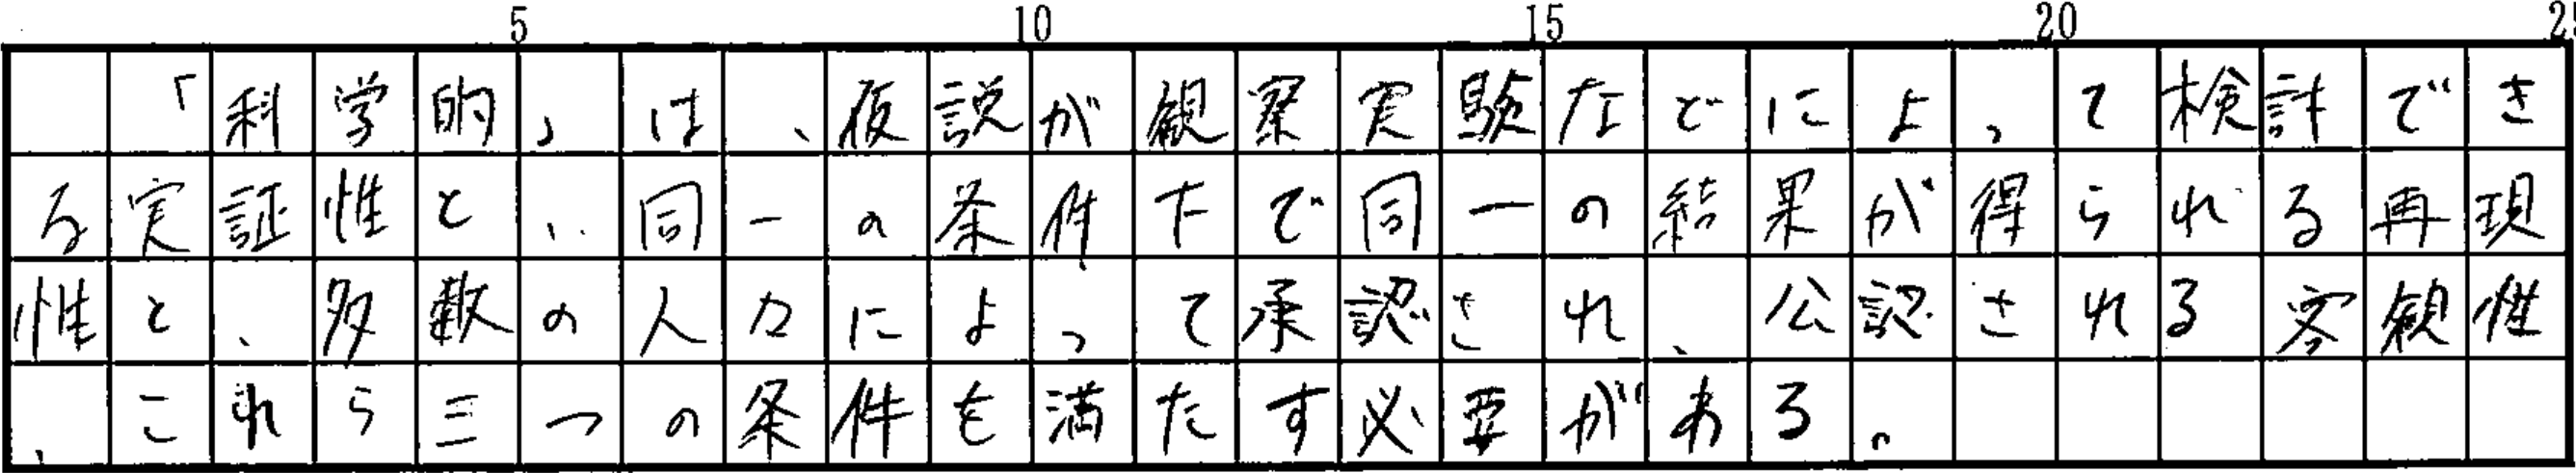　「科学的」は、仮説が観察実験などによって検討できる実証性と、同一の条件下で同一の結果が得られる再現性と、多数の人々によって承認され、公認される客観性、これら三つの条件を満たす必要がある。
